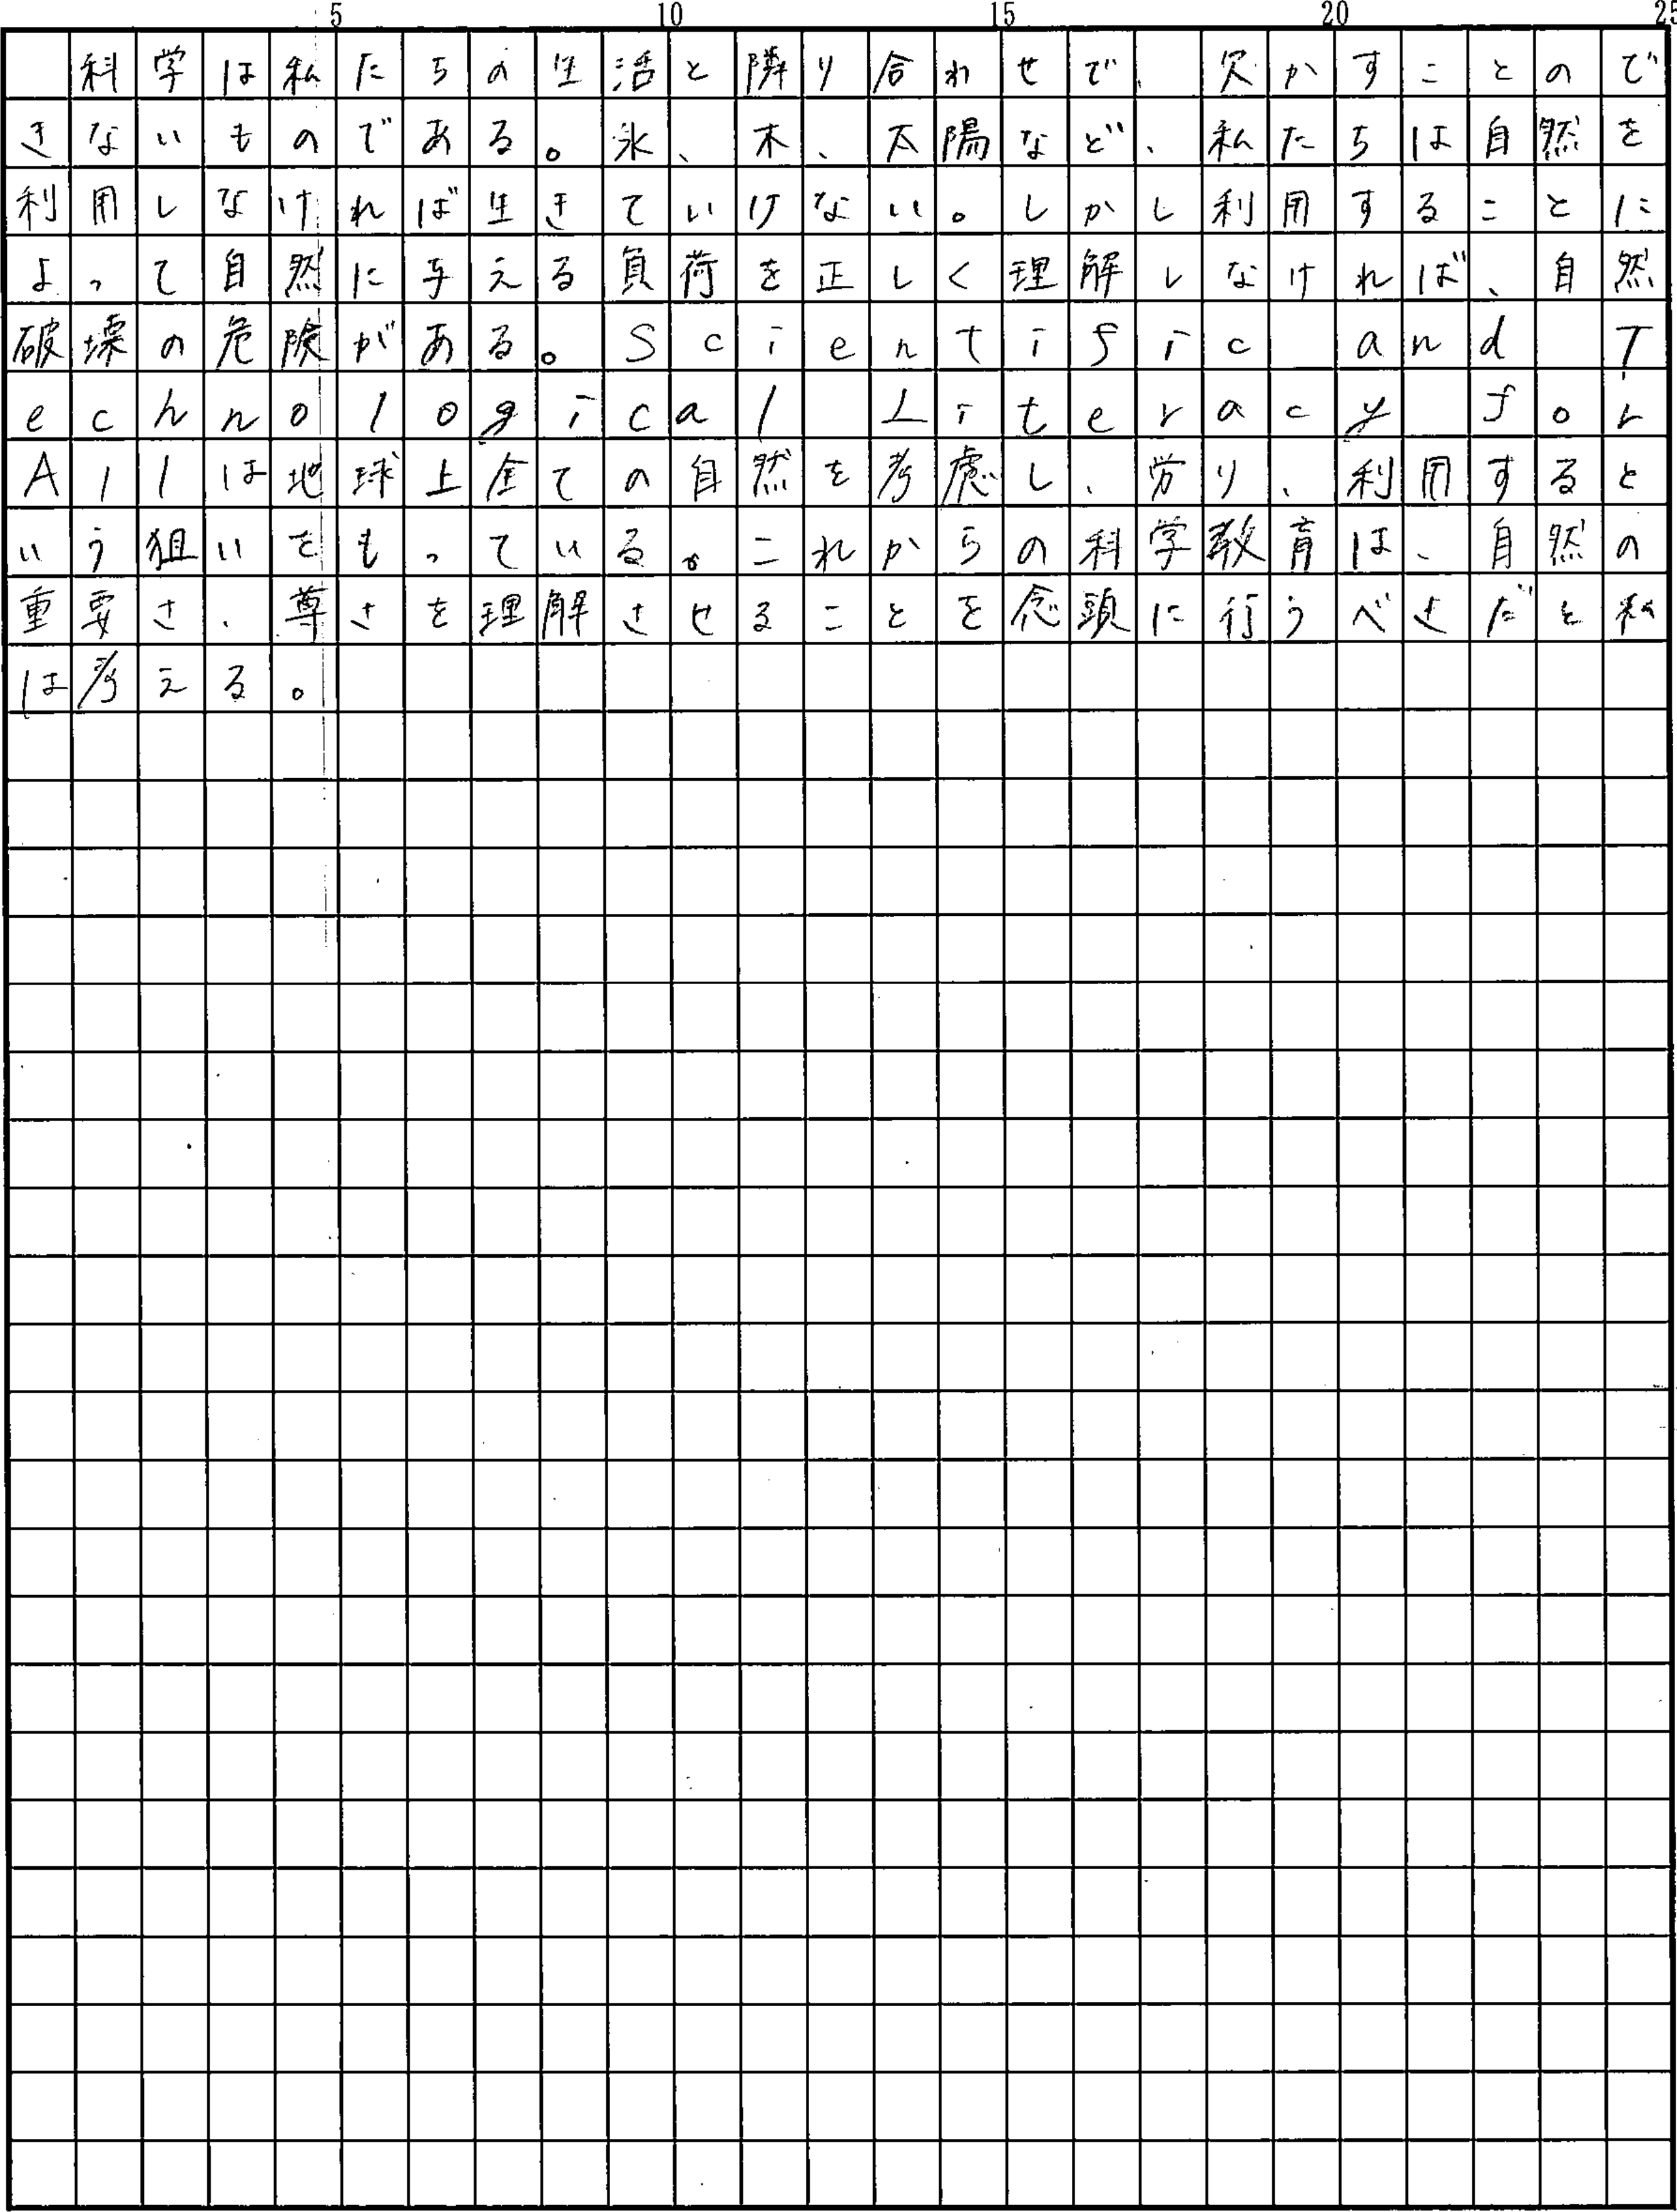　科学は私たちの生活と隣り合わせで、欠かすことのできないものである。水、木、太陽など、私たちは自然を利用しなければ生きていけない。しかし利用することによって自然に与える負荷を正しく理解しなければ、自然破壊の危険がある。Ｓｃｉｅｎｔｉｆｉｃ　ａｎｄ　Ｔｅｃｈｎｏｌｏｇｉｃａｌ　Ｌｉｔｅｒａｃｙ　ｆｏｒ　Ａｌｌは地球上全ての自然を考慮し、労り、利用するという狙いをもっている。これからの科学教育は、自然の重要さ、尊さを理解させることを念頭に行うべきだと私は考える。
